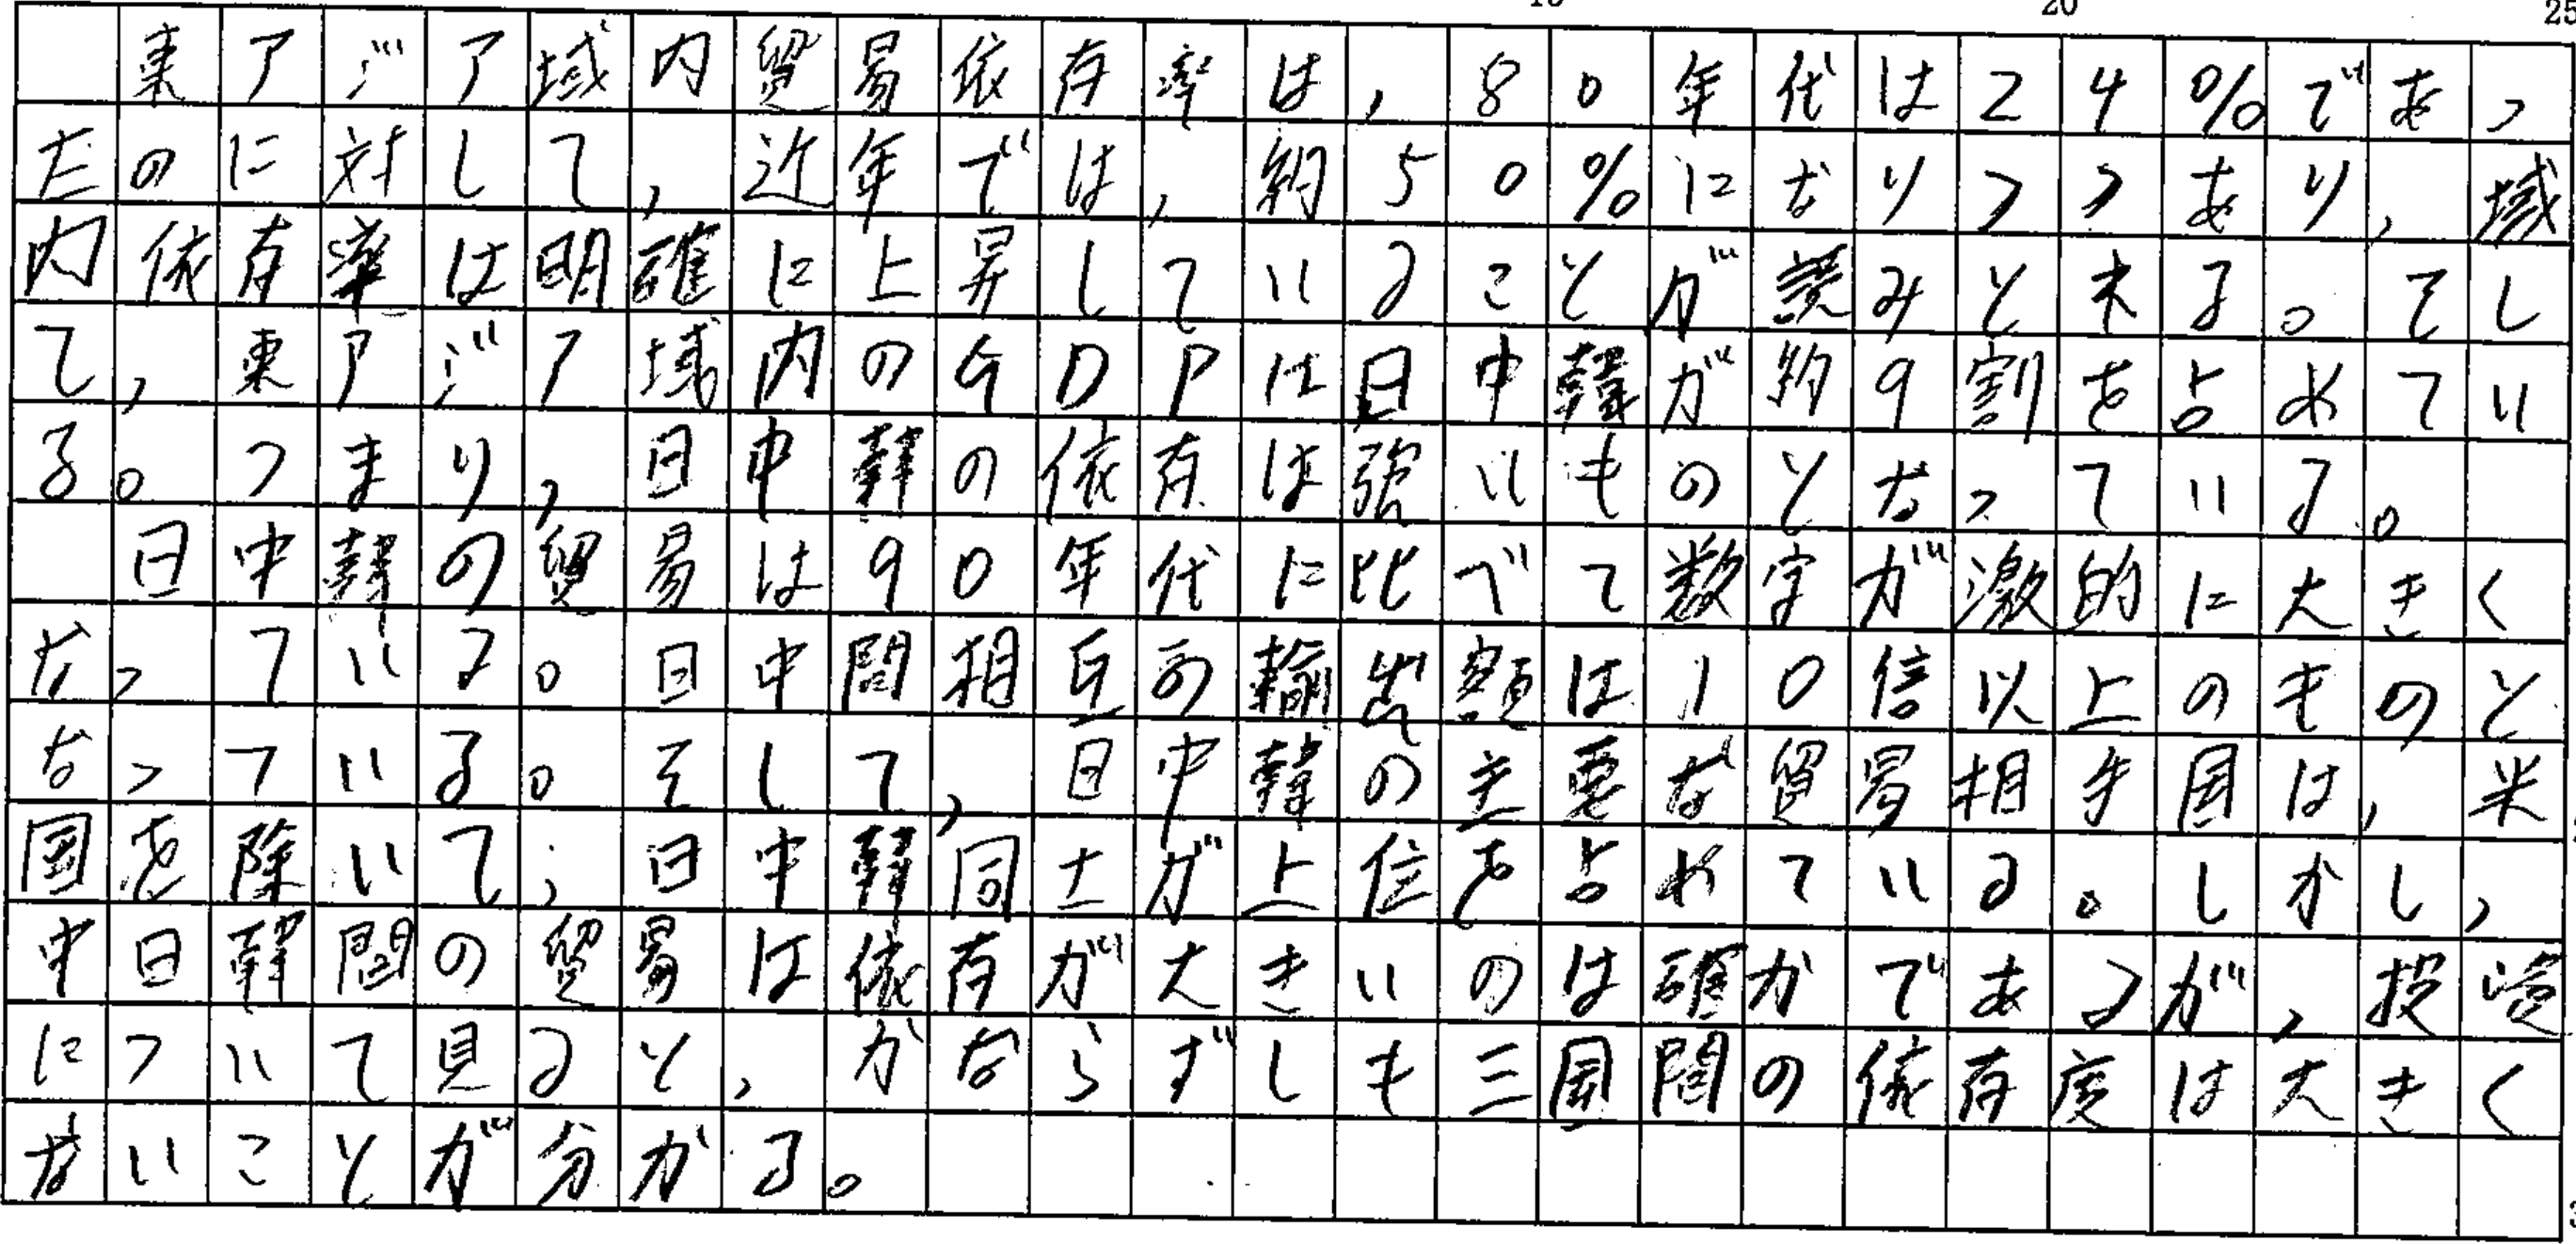　東アジア域内貿易依存率は，８０年代は２４％であったのに対して，近年では，約５０％になりつつあり，域内依存率は明確に上昇していることが読みとれる。そして，東アジア域内のＧＤＰは日中韓が約９割を占めている。つまり，日中韓の依存は強いものとなっている。
　日中韓の貿易は９０年代に比べて数字が激的に大きくなっている。日中間相互の輸出額は１０倍以上のものとなっている。そして，日中韓の主要な貿易相手国は，米国を除いて，日中韓同士が上位を占めている。しかし，中日韓間の貿易は依存が大きいのは確かであるが，投資について見ると，かならずしも三国間の依存度は大きくないことが分かる。
